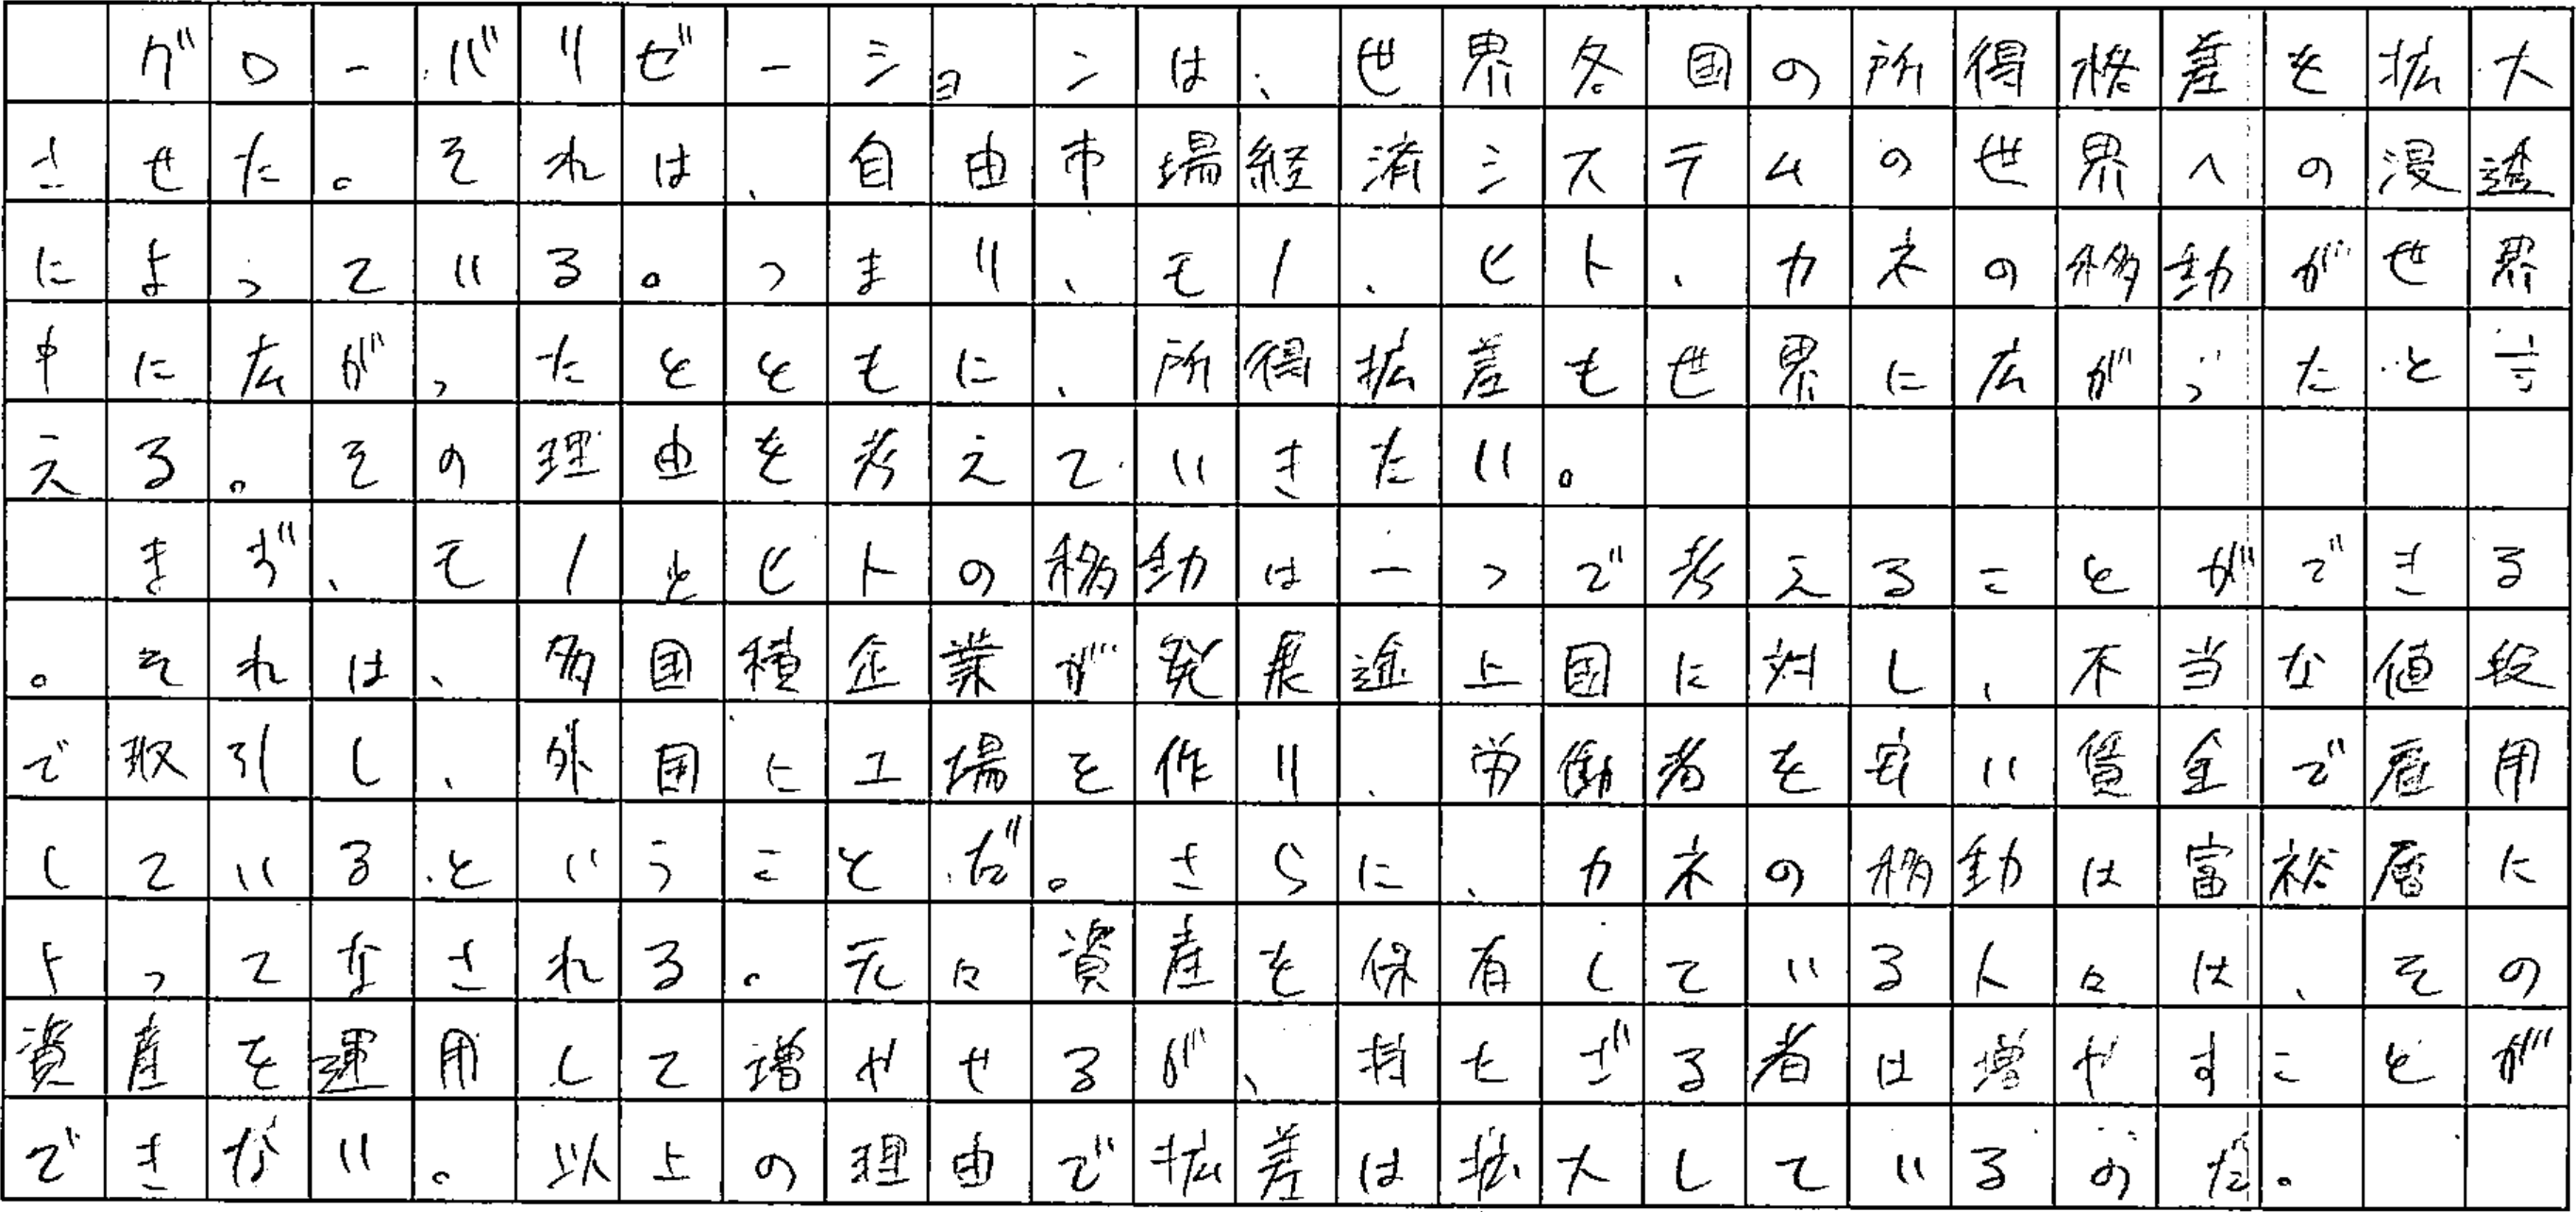　グローバリゼーションは、世界各国の所得格差を拡大させた。それは、自由市場経済システムの世界への浸透によっている。つまり、モノ、ヒト、カネの移動が世界中に広がったとともに、所得拡差も世界に広がったと言える。その理由を考えていきたい。
　まず、モノとヒトの移動は一つで考えることができる。それは、多国積企業が発展途上国に対し、不当な値段で取引し、外国に工場を作り、労働者を安い賃金で雇用しているということだ。さらに、カネの移動は富裕層によってなされる。元々資産を保有している人々は、その資産を運用して増やせるが、持たざる者は増やすことができない。以上の理由で拡差は拡大しているのだ。
